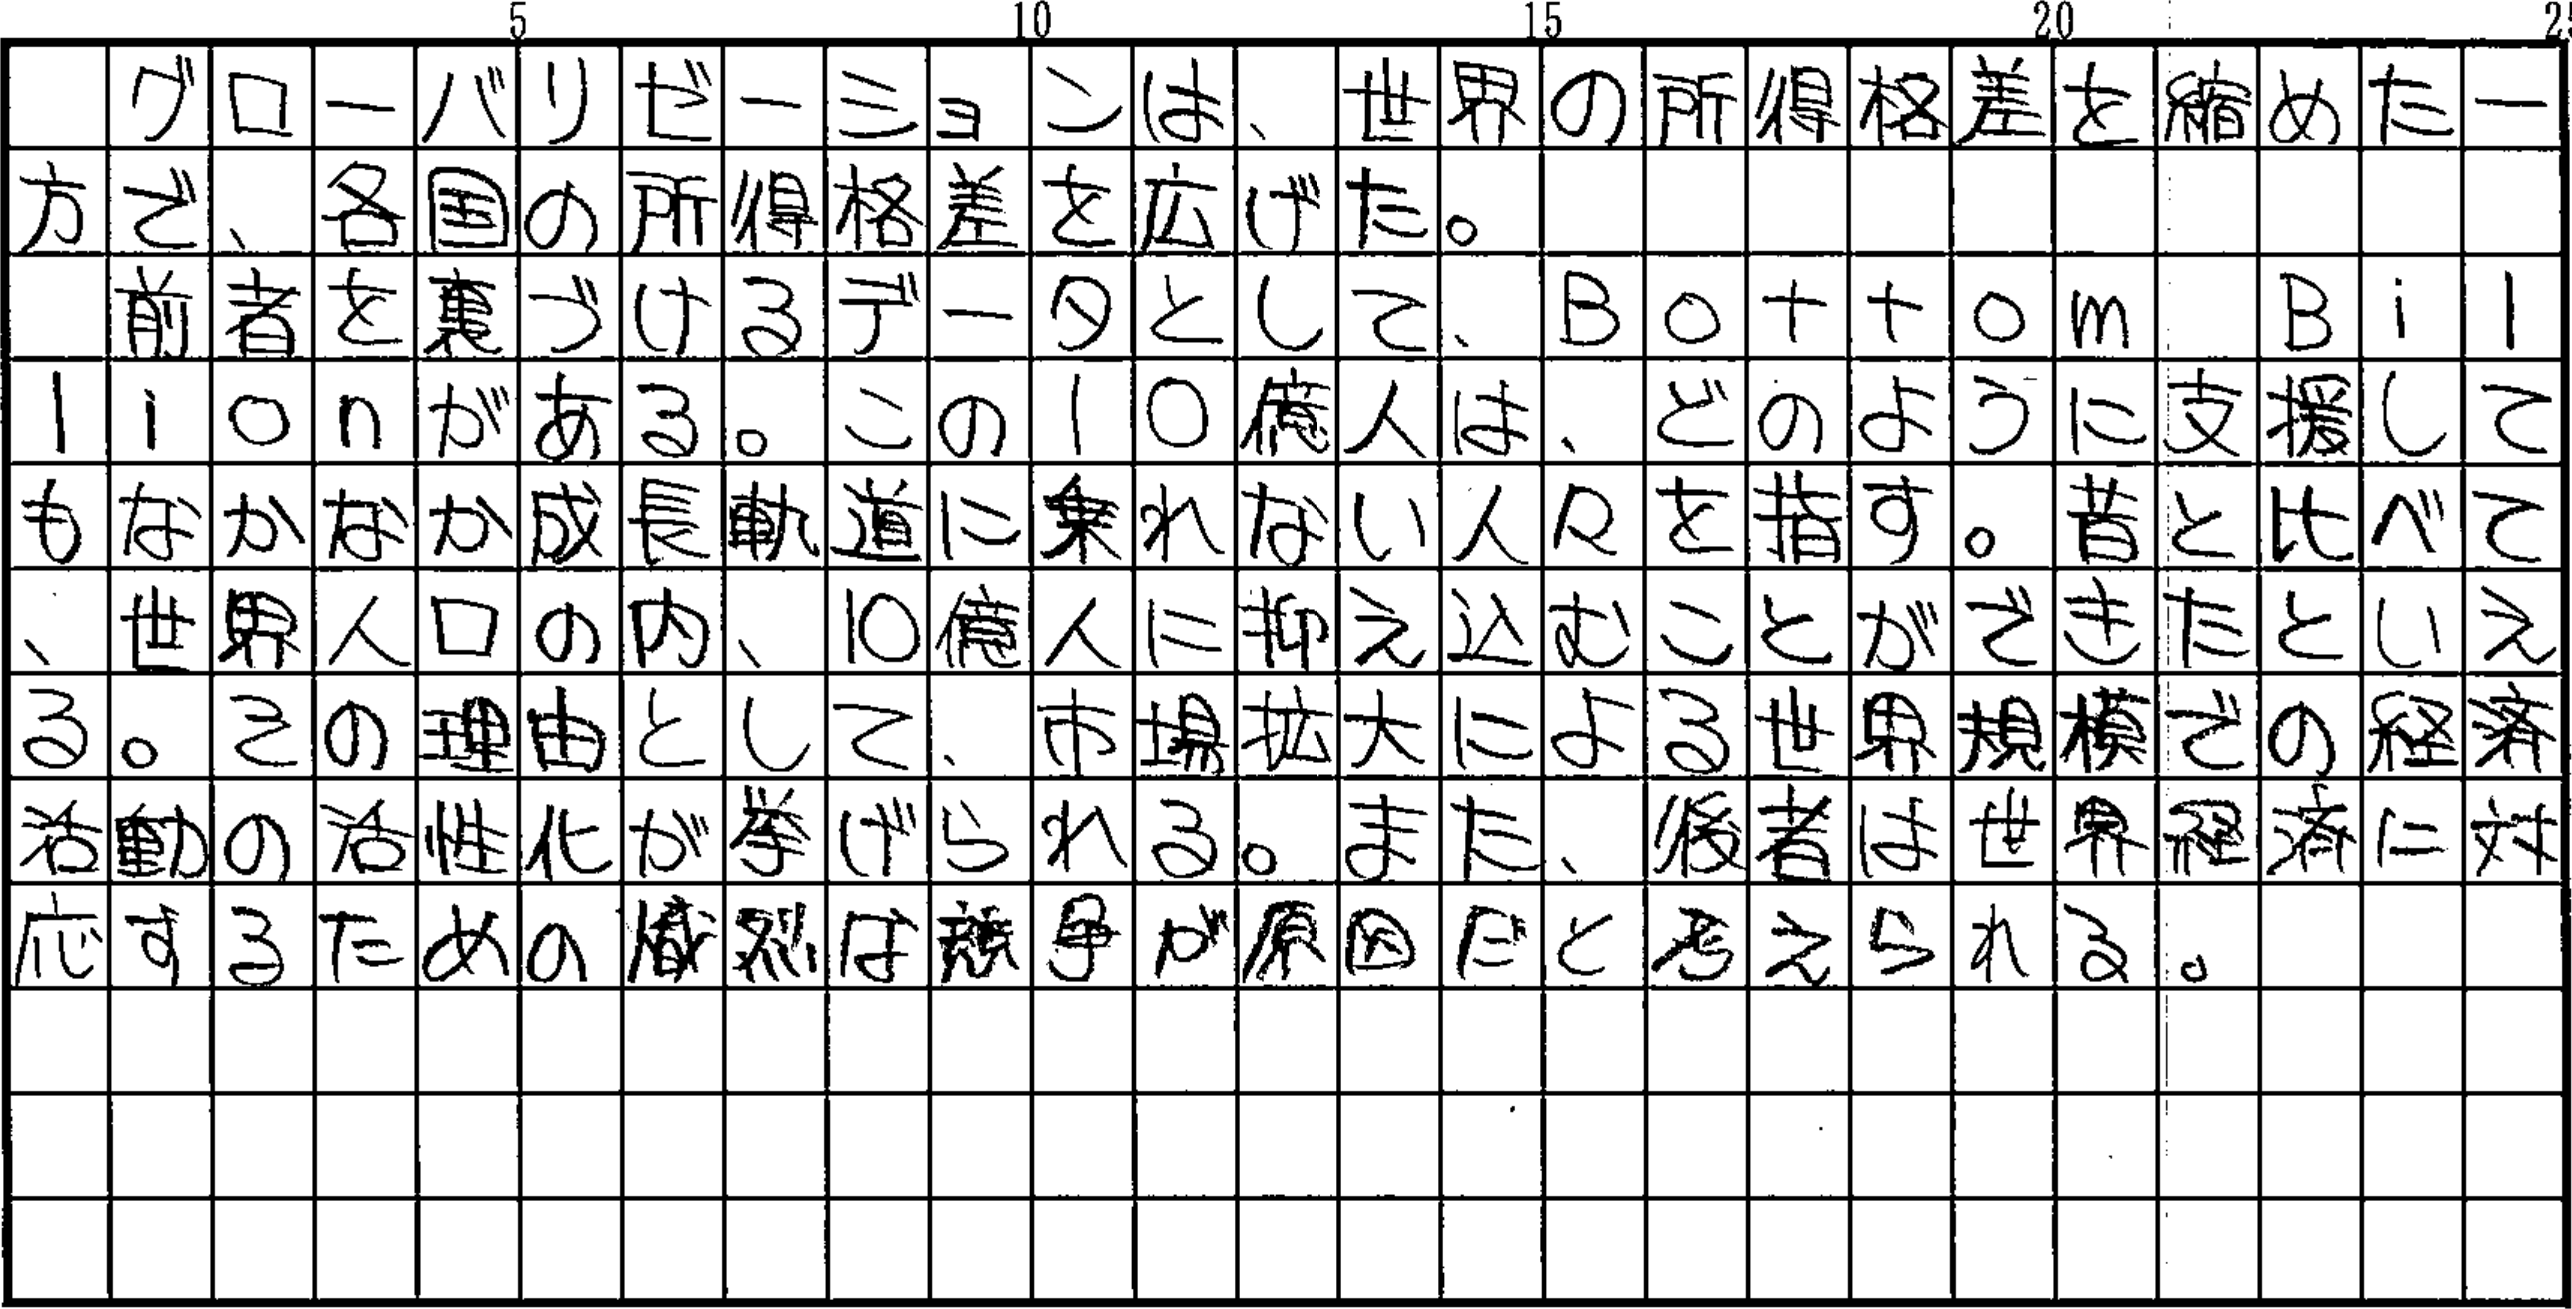　グローバリゼーションは、世界の所得格差を縮めた一方で、各国の所得格差を広げた。
　前者を裏づけるデータとして、Ｂｏｔｔｏｍ　Ｂｉｌｌｉｏｎがある。この１０億人は、どのように支援してもなかなか成長軌道に乗れない人々を指す。昔と比べて、世界人口の内、10億人に抑え込むことができたといえる。その理由として、市場拡大による世界規模での経済活動の活性化が挙げられる。また、後者は世界経済に対応するための熾烈な競争が原因だと考えられる。
